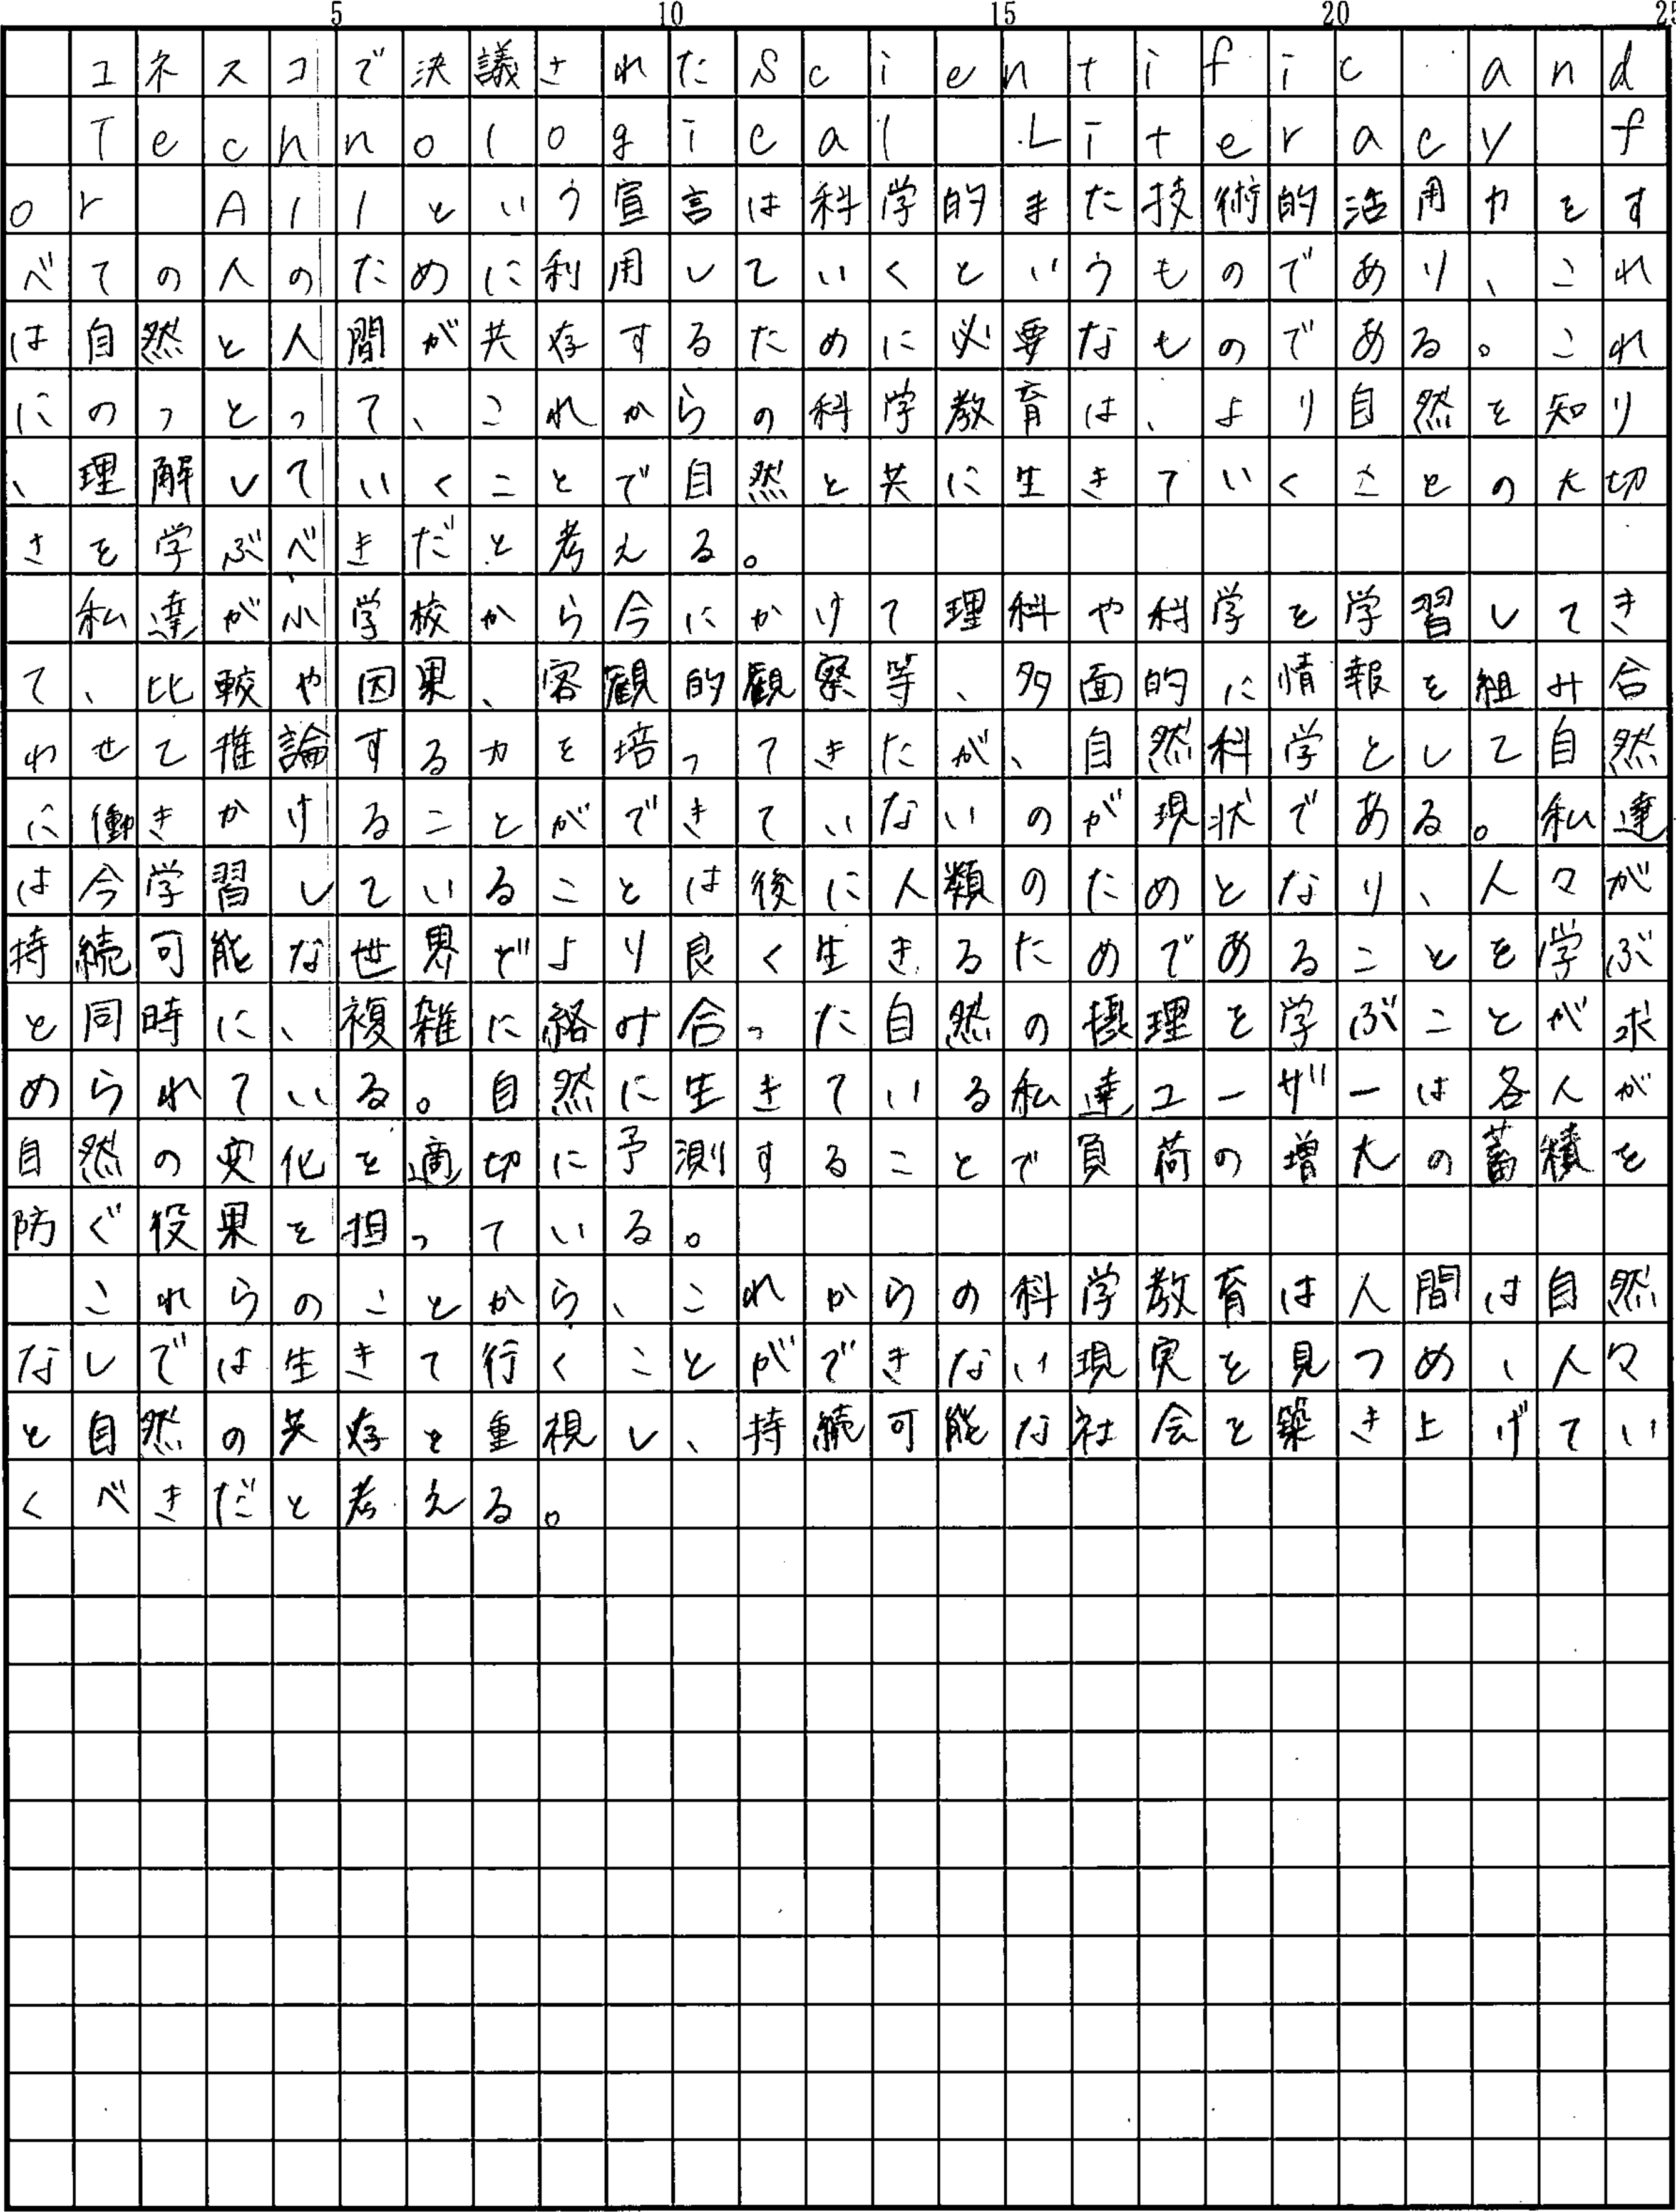　ユネスコで決議されたＳｃｉｅｎｔｉｆｉｃ　ａｎｄ　Ｔｅｃｈｎｏｌｏｇｉｃａｌ　Ｌｉｔｅｒａｃｙ　ｆｏｒ　Ａｌｌという宣言は科学的また技術的活用力をすべての人のために利用していくというものであり、これは自然と人間が共存するために必要なものである。これにのっとって、これからの科学教育は、より自然を知り、理解していくことで自然と共に生きていくことの大切さを学ぶべきだと考える。
　私達が小学校から今にかけて理科や科学を学習してきて、比較や因果、客観的観察等、多面的に情報を組み合わせて推論する力を培ってきたが、自然科学として自然に働きかけることができていないのが現状である。私達は今学習していることは後に人類のためとなり、人々が持続可能な世界でより良く生きるためであることを学ぶと同時に、複雑に絡み合った自然の摂理を学ぶことが求められている。自然に生きている私達ユーザーは各人が自然の変化を適切に予測することで負荷の増大の蓄積を防ぐ役果を担っている。
　これらのことから、これからの科学教育は人間は自然なしでは生きて行くことができない現実を見つめ、人々と自然の共存を重視し、持続可能な社会を築き上げていくべきだと考える。
